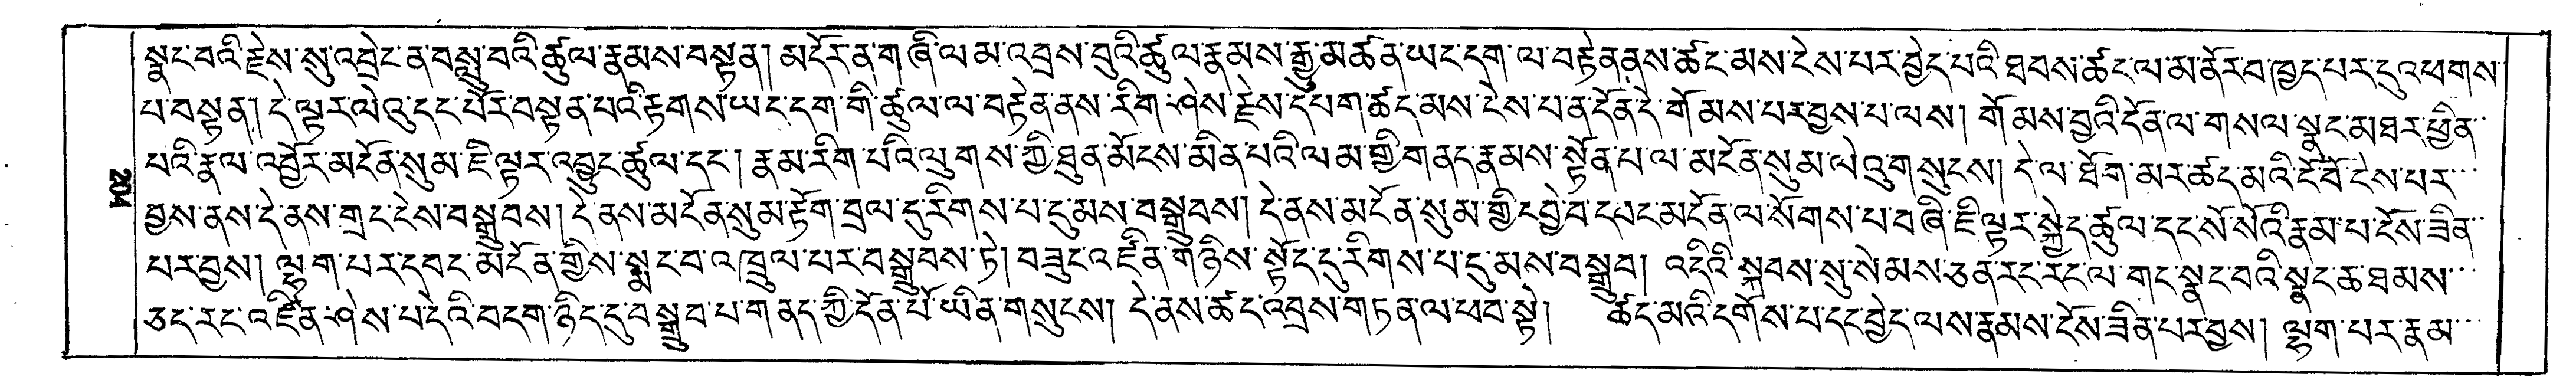སྣང་བའི་རྗེས་སུ་འབྲེང་ན་བསླུ་བའི་ཚུལ་རྣམས་བསྟན། མདོར་ན་གཞི་ལམ་འབྲས་བུའི་ཚུལ་རྣམས་རྒྱུ་མཚན་ཡང་དག་ལ་བརྟེན་ནས་ཚད་མས་ངེས་པར་བྱེད་པའི་ཐབས་ཚང་ལ་མ་ནོར་བ་ཁྱད་པར་དུ་འཕགས་
པ་བསྟན། དེ་ལྟར་ལེའུ་དང་པོར་བསྟན་པའི་རྟགས་ཡང་དག་གི་ཚུལ་ལ་བརྟེན་ནས་རིག་ཤེས་རྗེས་དཔག་ཚད་མས་ངེས་པ་ན་དོན་དེ་གོམས་པར་བྱས་པ་ལས། གོམས་བྱའི་དོན་ལ་གསལ་སྣང་མཐར་ཕྱིན་
པའི་རྣལ་འབྱོར་མངོན་སུམ་ཇི་ལྟར་འབྱུང་ཚུལ་དང་། རྣམ་རིག་པའི་ལུགས་ཀྱི་ཐུན་མོངས་མིན་པའི་ལམ་གྱི་གནད་རྣམས་སྟོན་པ་ལ་མངོན་སུམ་ལེའུ་གསུངས། དེ་ལ་ཐོག་མར་ཚད་མའི་ངོ་བོ་ངེས་པར་
བྱས་ནས་དེ་ནས་གྲང་ངེས་བསྒྲུབས། དེ་ནས་མངོན་སུམ་རྟོག་བྲལ་དུ་རིགས་པ་དུ་མས་བསྒྲུབས། དེ་ནས་མངོན་སུམ་གྱི་དབྱེ་བ་དབང་མངོན་ལ་སོགས་པ་བཞི་ཇི་ལྟར་སྐྱེད་ཚུལ་དང་སོ་སོའི་རྣམ་པ་ངོས་ཟིན་
པར་བྱས། ལྷག་པར་དབང་མངོན་གྱིས་སྣང་བ་འཁྲུལ་པར་བསྒྲུབས་ཏེ། བཟུང་འཛིན་གཉིས་སྟོད་དུ་རིགས་པ་དུ་མས་བསྒྲུབ། འདིའི་སྐབས་སུ་སེམས་ཅན་རང་རང་ལ་གང་སྣང་བའི་སྣང་ཆ་ཐམས་
ཅད་རང་འཛིན་ཤེས་པ་དེའི་བདག་ཉིད་དུ་བསྒྲུབ་པ་གནད་ཀྱི་དོན་པོ་ཡིན་གསུངས། དེ་ནས་ཚད་འབྲས་གཏན་ལ་ཕབ་སྟེ། ཚད་མའི་དགོས་པ་དང་བྱེད་ལས་རྣམས་ངོས་ཟིན་པར་བྱས། ལྷག་པར་རྣམ་